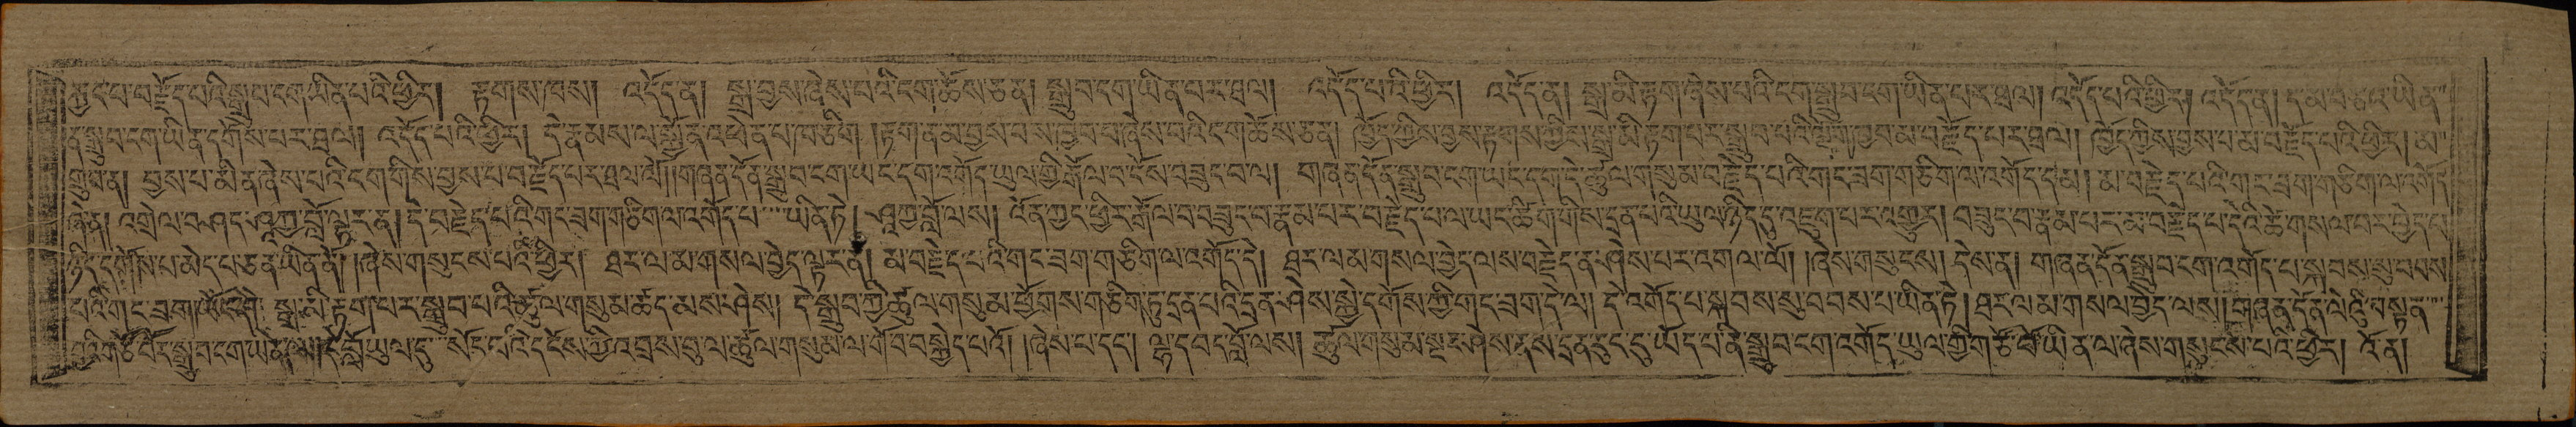རྐྱང་པ་བརྗོད་པའི་སྒྲུབ་ངག་ཡིན་པའི་ཕྱིར། རྟགས་ཁས། འདོད་ན། སྒྲ་བྱས་ཞེས་པའི་ངག་ཆོས་ཅན། སྒྲུབ་ངག་ཡིན་པར་ཐལ། འདོད་པའི་ཕྱིར། འདོད་ན། སྒྲ་མི་རྟག་ཞེས་པའི་ངག་སྒྲུབ་ངག་ཡིན་པར་ཐལ། འདོད་པའི་ཕྱིར། འདོད་ན། དམ་བཅའ་ཡིན་
ན་སྒྲུབ་ངག་ཡིན་དགོས་པར་ཐལ། འདོད་པའི་ཕྱིར། དེ་རྣམས་ལ་སྐྱོན་འཕེན་པ་ཁ་ཅིག །རྟག་ན་མ་བྱས་པས་ཁྱབ་པ་ཞེས་པའི་ངག་ཆོས་ཅན། ཁྱོད་ཀྱིས་བྱས་རྟགས་ཀྱིས་སྒྲ་མི་རྟག་པར་སྒྲུབ་པའི་ལྡོག་ཁྱབ་མ་བརྗོད་པར་ཐལ། ཁྱོད་ཀྱིས་བྱས་པ་མ་བརྗོད་པའི་ཕྱིར། མ་
གྲུབ་ན། བྱས་པ་མིན་ཞེས་པའི་ངག་གིས་བྱས་པ་བརྗོད་པར་ཐལ་ལོ། །གཞན་དོན་སྒྲུབ་ངག་ཡང་དག་འགོད་ཡུལ་གྱི་རྒོལ་བ་ངོས་བཟུང་བ་ལ། གཞན་དོན་སྒྲུབ་ངག་ཡང་དག་དེ་ཚུལ་གསུམ་བརྗོད་པའི་གང་ཟག་གཅིག་ལ་འགོད་དམ། མ་བརྗེད་པའི་གང་ཟག་གཅིག་ལ་འགོད་
ཞེ་ན། འགྲེལ་བཤད་ཤཱཀྱ་བློ་ལྟར་ན། དེ་བརྗེད་པའི་གང་ཟག་གཅིག་ལ་འགོད་པ་ཡིན་ཏེ། ཤཱཀྱ་བློ་ལས། འོན་ཀྱང་ཕྱིར་རྒོལ་བ་བཟུང་བ་རྣམ་པར་བརྗེད་པ་ལ་ཡང་ཚིག་གིས་དྲན་པའི་ཡུལ་ཉིད་དུ་འཇུག་པར་འགྱུར། བཟུང་བ་རྣམ་པར་མ་བརྗེད་པ་དེའི་ཚེ་གསལ་བར་བྱེད་པ་
ཉིད་དགོས་པ་མེད་པ་ཅན་ཡིན་ནོ། །ཞེས་གསུངས་པའི་ཕྱིར། ཐར་ལམ་གསལ་བྱེད་ལྟར་ན། མ་བརྗེད་པའི་གང་ཟག་གཅིག་ལ་འགོད་དེ། ཐར་ལམ་གསལ་བྱེད་ལས་བརྗེད་ན་ཤེས་པར་འགལ་ལོ། །ཞེས་གསུངས། དེས་ན། གཞན་དོན་སྒྲུབ་ངག་འགོད་པ་སྐབས་སུ་བབས་
པའི་གང་ཟག་ཡོད་དེ། སྒྲ་མི་རྟག་པར་སྒྲུབ་པའི་ཚུལ་གསུམ་ཚད་མས་ཤེས། དེ་སྒྲུབ་ཀྱི་ཚུལ་གསུམ་ཕྱོགས་གཅིག་ཏུ་དྲན་པའི་དྲན་ཤེས་སྐྱེ་དགོས་ཀྱི་གང་ཟག་དེ་ལ། དེ་འགོད་པ་སྐབས་སུ་བབས་པ་ཡིན་ཏེ། ཐར་ལམ་གསལ་བྱེད་ལས། གཞན་དོན་ལེའུའི་བསྟན་
བྱའི་གཙོ་བོར་སྒྲུབ་ངག་ཡིན་ལ། དེ་བློ་ཡུལ་དུ་སོང་བའི་དངོས་ཀྱི་འབྲས་བུ་ལ་ཚུལ་གསུམ་ལ་གོ་བ་བསྐྱེད་པའོ། །ཞེས་པ་དང་། ལྷ་དབང་བློ་ལས། ཚུལ་གསུམ་སྔར་ཤེས་ནས་དྲན་རུང་དུ་ཡོད་པ་ནི་སྒྲུབ་ངག་འགོད་ཡུལ་གྱི་གཙོ་བོ་ཡིན་ལ་ཞེས་གསུངས་པའི་ཕྱིར། འོ་ན།